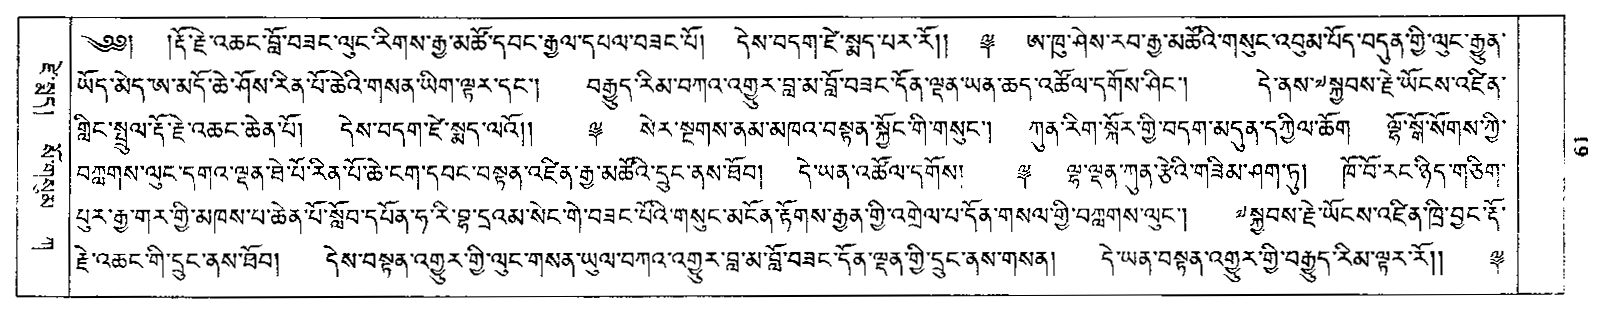༄༅། །རྡོ་རྗེ་འཆང་བློ་བཟང་ལུང་རིགས་རྒྱ་མཚོ་དབང་རྒྱལ་དཔལ་བཟང་པོ། དེས་བདག་ཛེ་སྨད་པར་རོ།། ༈ ཨ་ཁུ་ཤེས་རབ་རྒྱ་མཚོའི་གསུང་འབུམ་པོད་བདུན་གྱི་ལུང་རྒྱུན་
ཡོད་མེད་ཨ་མདོ་ཆེ་ཤོས་རིན་པོ་ཆེའི་གསན་ཡིག་ལྟར་དང་། བརྒྱུད་རིམ་བཀའ་འགྱུར་བླ་མ་བློ་བཟང་དོན་ལྡན་ཡན་ཆད་འཚོལ་དགོས་ཤིང་། དེ་ནས་༧སྐྱབས་རྗེ་ཡོངས་འཛིན་
གླིང་སྤྲུལ་རྡོ་རྗེ་འཆང་ཆེན་པོ། དེས་བདག་ཛེ་སྨད་ལའོ།། ༈ སེར་སྔགས་ནམ་མཁའ་བསྟན་སྐྱོང་གི་གསུང་། ཀུན་རིག་སྐོར་གྱི་བདག་མདུན་དཀྱིལ་ཆོག་ལྷོ་སྒོ་སོགས་ཀྱི་
བཀླགས་ལུང་དགའ་ལྡན་ཐེ་པོ་རིན་པོ་ཆེ་ངག་དབང་བསྟན་འཛིན་རྒྱ་མཚོའི་དྲུང་ནས་ཐོབ། དེ་ཡན་འཚོལ་དགོས། ༈ ལྷ་ལྡན་ཀུན་རྩེའི་གཟིམ་ཤག་ཏུ། ཁོ་བོ་རང་ཉིད་གཅིག་
པུར་རྒྱ་གར་གྱི་མཁས་པ་ཆེན་པོ་སློབ་དཔོན་ཧ་རི་བྷ་དྲའམ་སེང་གེ་བཟང་པོའི་གསུང་མངོན་རྟོགས་རྒྱན་གྱི་འགྲེལ་པ་དོན་གསལ་གྱི་བཀླགས་ལུང་། ༧སྐྱབས་རྗེ་ཡོངས་འཛིན་ཁྲི་བྱང་རྡོ་
རྗེ་འཆང་གི་དྲུང་ནས་ཐོབ། དེས་བསྟན་འགྱུར་གྱི་ལུང་གསན་ཡུལ་བཀའ་འགྱུར་བླ་མ་བློ་བཟང་དོན་ལྡན་གྱི་དྲུང་ནས་གསན། དེ་ཡན་བསྟན་འགྱུར་གྱི་བརྒྱུད་རིམ་ལྟར་རོ།། ༈